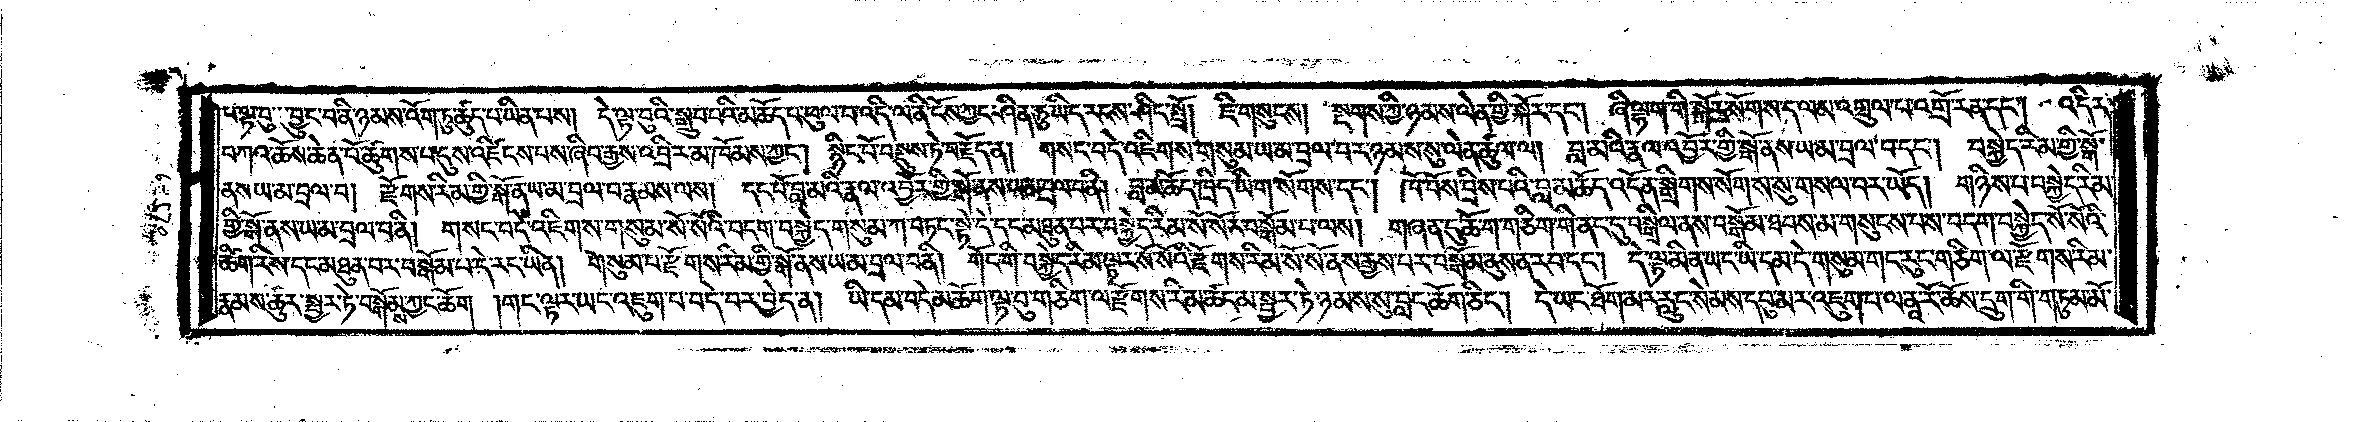པ་ལྟ་བུ་བྱུང་བ་ནི་ཉམས་འོག་ཏུ་ཚུད་པ་ཡིན་པས། དེ་ལྟ་བུའི་སྒྲུབ་པའི་མཆོད་པ་ཕུལ་བ་འདི་ལ་ནི་ངོས་ཀྱང་ཤིན་ཏུ་ཡིད་རངས་ཤིང་སྤྲོ། ཇི་གསུངས། སྔགས་ཀྱི་ཉམས་ལེན་གྱི་སྐོར་དང་། ཞི་ལྷག་གི་སྐོར་སོགས་ད་ལམ་འགྲུལ་པ་འགྲོ་རན་དང་། འདིར་
བཀའ་ཆོས་ཆེན་པོ་ཚུགས་པ་དུས་འཛིངས་པས་ཞིབ་རྒྱས་འབྲིར་མ་ཁོམས་ཀྱང་། སྙིང་པོ་བསྡུས་ཏེ་བརྗོད་ན། གསང་བདེ་འཇིགས་གསུམ་ཡ་མ་བྲལ་པར་ཉམས་སུ་ལེན་ཚུལ་ལ། བླ་མའི་རྣལ་འབྱོར་གྱི་སྒོ་ནས་ཡ་མ་བྲལ་བ་དང་། བསྐྱེད་རིམ་གྱི་སྒོ་
ནས་ཡ་མ་བྲལ་བ། རྫོགས་རིམ་གྱི་སྒོ་ན་ཡ་མ་བྲལ་བ་རྣམས་ལས། དང་པོ་བླ་མའི་རྣལ་འབྱོར་གྱི་སྒོ་ནས་ཡ་མ་བྲལ་བ་ནི། བླ་མཆོད་ཁྲིད་ཡིག་སོགས་དང་། ཁོ་བོས་བྲིས་པའི་བླ་མཆོད་འདོན་སྒྲིགས་སོགས་སུ་གསལ་བར་ཡོད། གཉིས་པ་བསྐྱེད་རིམ་
གྱི་སྒོ་ནས་ཡ་མ་བྲལ་བ་ནི། གསང་བདེ་འཇིགས་གསུམ་སོ་སོའི་བདག་བསྐྱེད་གསུམ་ཀ་བཏང་སྟེ་དེ་དང་མཐུན་པར་བསྐྱེད་རིམ་སོ་སོར་བསྒོམ་པ་ལས། གཞན་དུ་ཆོ་ག་གཅིག་གི་ནང་དུ་བསྒྲིལ་ནས་བསྒོམ་ཐབས་མ་གསུངས་པས་བདག་བསྐྱེད་སོ་སོའི་
ཚིག་རིས་དང་མཐུན་པར་བསྒོམ་པ་དེ་རང་ཡིན། གསུམ་པ་རྫོགས་རིམ་གྱི་སྒོ་ནས་ཡ་མ་བྲལ་བ་ནི། གོང་གི་བསྐྱེད་རིམ་ལྟར་སོ་སོའི་རྫོགས་རིམ་སོ་སོ་ནས་རྒྱས་པར་བསྒོམ་ནུས་ན་རབ་དང་། དེ་ལྟ་མིན་ཡང་ཡི་དམ་དེ་གསུམ་གང་རུང་གཅིག་ལ་རྫོགས་རིམ་
རྣམས་ཚུར་སྦྱར་ཏེ་བསྒོམས་ཀྱང་ཆོག །གང་ལྟར་ཡང་འཇུག་པ་བདེ་བར་བྱེད་ན། ཡི་དམ་བདེ་མཆོག་ལྟ་བུ་གཅིག་ལ་རྫོགས་རིམ་ཚང་མ་སྦྱར་ཏེ་ཉམས་སུ་བླང་ཆོག་ཅིང་། དེ་ཡང་ཐོག་མར་རླུང་སེམས་དབུ་མར་འཇུག་པ་ལ་ནཱ་རོ་ཆོས་དྲུག་གི་གཏུམ་མོ་